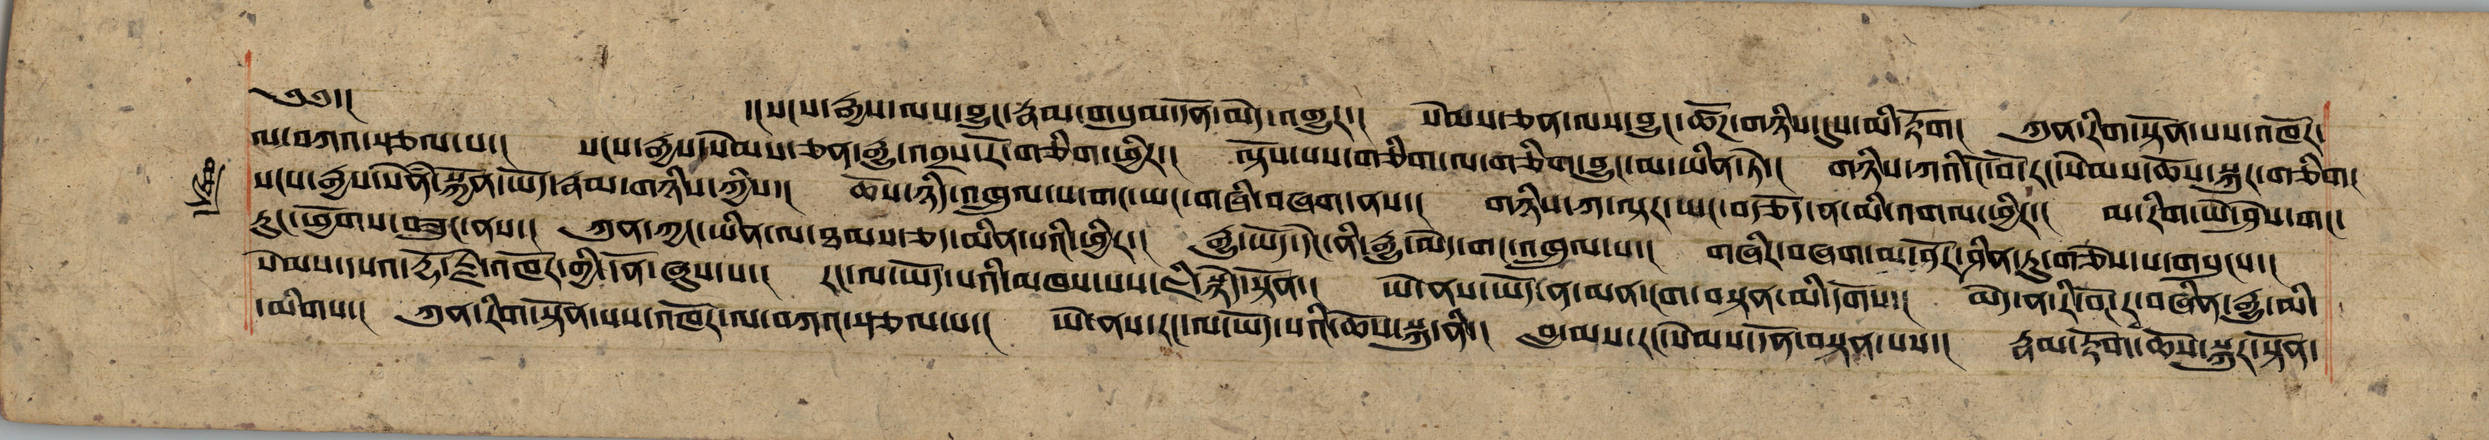༄༅་། ་།སངས་རྒྱས་ལས་བྱུང་རྣམ་གསུམ་དོན་མེད་འགྱུར་། སེམས་ཅན་ལས་བྱུང་ཚོགས་གཉིས་དུས་མི་རྟོག། ཀུན་རིག་སྟོན་པས་འཁོར་
ལ་བཀའ་རྩལ་པ་། སངས་རྒྱས་སེམས་ཅན་རྒྱུ་འབྲས་རོ་གཅིག་ཕྱིར་། ལྟོས་པས་གཅིག་ལ་གཅིག་བྱུང་མ་ཡིན་ཏེ་། གཉིས་ཀའི་ངོ་བོ་རང་སེམས་ཆོས་སྐུར་གཅིག།
སངས་རྒྱས་སེཾན་སྐྱོན་ཡོད་རྣམ་གཉིས་ཀྱིས་། ཆོས་ཉིད་འཁྲུལ་པ་གང་ཡང་གཞི་བཞག་ནས་། གཉིས་ཀ་ལྟར་ཡང་བརྩོད་ན་མི་འགལ་ཕྱིར་། མ་རིག་ཡེ་ཤེས་གང་
རུང་ཕྱོགས་བཟུང་ནས་། ཀུན་ཀྱང་ཡིན་ལ་ཐམས་ཅད་མིན་པའི་ཕྱིར་། རྒྱུ་ཡོད་དེང་ནི་རྒྱུ་མེད་གང་འཁྲུལ་པ་། གཞིར་བཞག་མ་ནོར་ཤིན་ཏུ་གཅེས་པ་གསུངས་།
སེམས་དཔའ་རྡོ་རྗེ་འཁོར་གྱི་དོན་ཞུས་པ་། རང་ལ་ཡོད་པའི་མཁས་པས་ཇི་སྙེད་སྟོན་། ཡེ་ནས་ཡོད་ན་མན་ངག་བསྟན་མི་དགོས་། མེད་ན་རི་བོང་རྭ་བཞིན་རྒྱུ་མི་
དམིགས་། ཀུན་རིག་སྟོན་པས་འཁོར་ལ་བཀའ་སྩལ་པ་། ཡེ་ནས་རང་ལ་ཡོད་པའི་ཆོས་སྐུ་ནི་། བླ་མས་རང་སེམས་དོན་བསྟན་པས་། རྣམ་རྟོག་ཆོས་སྐུར་སྟོན་